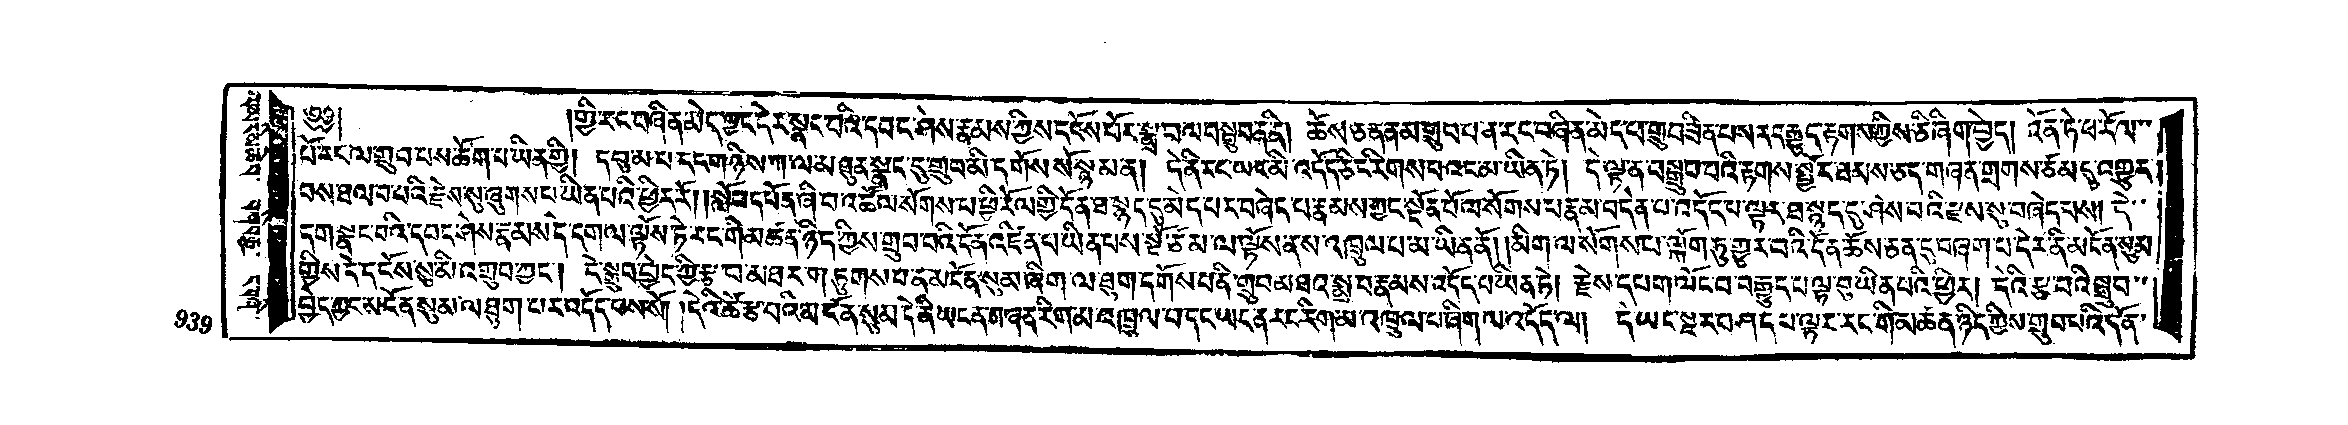༄༅། །གྱི་རང་བཞིན་མེད་ཀྱང་དེར་སྣང་བའི་དབང་ཤེས་རྣམས་ཀྱིས་དངོས་པོར་སྨྲ་བ་ལ་བསྒྲུབ་ན་ནི། ཆོས་ཅན་ནམ་གྲུབ་པ་ན་རང་བཞིན་མེད་པ་གྲུབ་ཟིན་པས་རང་རྒྱུད་རྟགས་ཀྱིས་ཅི་ཞིག་བྱེད། འོན་ཏེ་ཕ་རོལ་
པོ་རང་ལ་གྲུབ་བས་ཆོག་པ་ཡིན་གྱི། དབུ་མ་པ་དང་གཉིས་ཀ་ལ་མཐུན་སྣང་དུ་གྲུབ་མི་དགོས་སོ་སྙམ་ན། དེ་ནི་རང་ཡང་མི་འདོད་ཅིང་རིགས་པའང་མ་ཡིན་ཏེ། དེ་ལྟ་ན་བསྒྲུབ་པའི་རྟགས་སྦྱོར་ཐམས་ཅད་གཞན་གྲགས་ཙམ་དུ་འགྱུར་
བས་ཐལ་བ་པའི་རྗེས་སུ་ཞུགས་པ་ཡིན་པའི་ཕྱིར་རོ། །སློབ་དཔོན་ཞི་བ་འཚོལ་སོགས་པ་ཕྱི་རོལ་གྱི་དོན་ཐ་སྙད་དུ་མེད་པར་བཞེད་པ་རྣམས་ཀྱང་སྔོན་པོ་ལ་སོགས་པ་རྣམ་བདེན་པ་འདོད་པ་ལྟར་ཐ་སྙད་དུ་ཤེས་པའི་རྫས་སུ་བཞེད་པས། དེ་
དག་སྣང་བའི་དབང་ཤེས་རྣམས་དེ་དག་ལ་ལྟོས་ཏེ་རང་གི་མཚན་ཉིད་ཀྱིས་གྲུབ་པའི་དོན་འཛིན་པ་ཡིན་པས་སྔོ་ཙམ་ལ་ལྟོས་ནས་འཁྲུལ་པ་མ་ཡིན་ནོ། །མིག་ལ་སོགས་པ་ལྐོག་ཏུ་གྱུར་པའི་དོན་ཆོས་ཅན་དུ་བཞག་པ་དེར་ནི་མངོན་སུམ་
གྱིས་དེ་དངོས་སུ་མི་འགྲུབ་ཀྱང་། དེ་སྒྲུབ་བྱེད་ཀྱི་རྩ་བ་མཐར་གཏུགས་པ་ན་མངོན་སུམ་ཞིག་ལ་ཐུག་དགོས་པ་ནི་གྲུབ་མཐའ་སྨྲ་བ་རྣམས་འདོད་པ་ཡིན་ཏེ། རྗེས་དཔག་ལོང་བ་བརྒྱུད་པ་ལྟ་བུ་ཡིན་པའི་ཕྱིར། དེའི་རྩ་བའི་སྒྲུབ་
བྱེད་ཀྱང་མངོན་སུམ་ལ་ཐུག་པར་འདོད་པས་སོ། །དེའི་ཚེ་རྩ་བའི་མངོན་སུམ་དེ་ནི་ཡང་ན་གཞན་རིག་མ་འཁྲུལ་བ་དང་ཡང་ན་རང་གི་མ་འཁྲུལ་བ་ཞིག་ལ་འདོད་ལ། དེ་ཡང་སྔར་བཤད་པ་ལྟར་རང་གི་མཚན་ཉིད་ཀྱིས་གྲུབ་པའི་དོན་